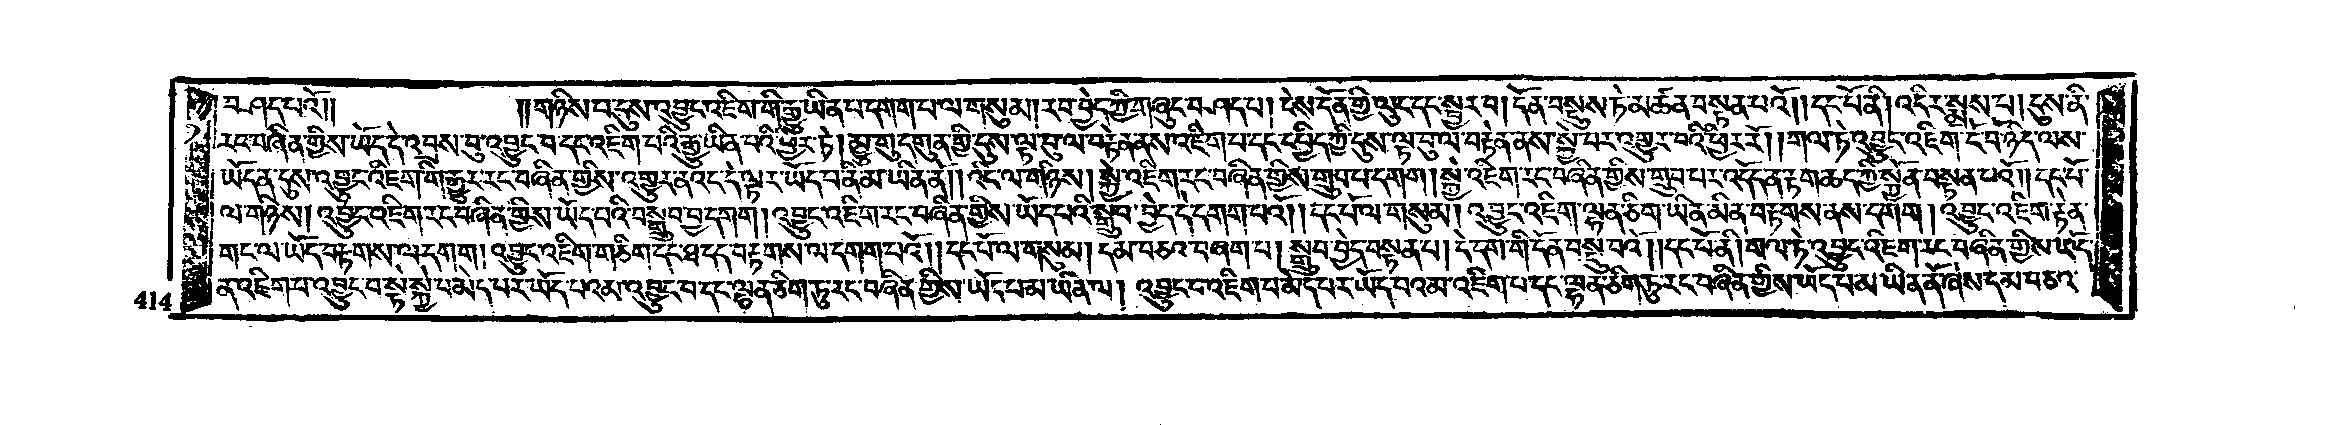བཤད་པའོ།། །།གཉིས་པ་དུས་འབྱུང་འཇིག་གི་རྒྱུ་ཡིན་པ་དགག་པ་ལ་གསུམ། རབ་བྱེད་ཀྱི་གཞུང་བཤད་པ། ངེས་དོན་གྱི་ལུང་དང་སྦྱར་བ། དོན་བསྡུས་ཏེ་མཚན་བསྟན་པའོ། །དང་པོ་ནི། འདིར་སྨྲས་པ། དུས་ནི་
རང་བཞིན་གྱིས་ཡོད་དེ་འབྲས་བུ་འབྱུང་བ་དང་འཇིག་པའི་རྒྱུ་ཡིན་པའི་ཕྱིར་ཏེ། མྱུ་གུ་དགུན་གྱི་དུས་ལྟ་བུ་ལ་བརྟེན་ནས་འཇིག་པ་དང་དཔྱིད་ཀྱི་དུས་ལྟ་བུ་ལ་བརྟེན་ནས་སྐྱེ་བར་འགྱུར་བའི་ཕྱིར་རོ། །གལ་ཏེ་འབྱུང་འཇིག་ངོ་བོ་ཉིད་ལས་
ཡོད་ན་དུས་འབྱུང་འཇིག་གི་རྒྱུ་རང་བཞིན་གྱིས་འགྱུར་ནའང་དེ་ལྟར་ཡོད་པ་ནི་མ་ཡིན་ནོ། །འདི་ལ་གཉིས། སྐྱེ་འཇིག་རང་བཞིན་གྱིས་གྲུབ་པ་དགག། སྐྱེ་འཇིག་རང་བཞིན་གྱིས་གྲུབ་པར་འདོད་ན་རྟག་ཆད་ཀྱི་སྐྱོན་བསྟན་པའོ། །དང་པོ་
ལ་གཉིས། འབྱུང་འཇིག་རང་བཞིན་གྱིས་ཡོད་པའི་བསྒྲུབ་བྱ་དགག། འབྱུང་འཇིག་རང་བཞིན་གྱིས་ཡོད་པའི་སྒྲུབ་བྱེད་དེ་དགག་པའོ། །དང་པོ་ལ་གསུམ། འབྱུང་འཇིག་ལྷན་ཅིག་ཡིན་མིན་བརྟགས་ནས་དགག། འབྱུང་འཇིག་རྟེན་
གང་ལ་ཡོད་བརྟགས་ལ་དགག། འབྱུང་འཇིག་གཅིག་དང་ཐ་དད་བརྟགས་ལ་དགག་པའོ། །དང་པོ་ལ་གསུམ། དམ་བཅའ་བཞག་པ། སྒྲུབ་བྱེད་བསྟན་པ། དེ་དག་གི་དོན་བསྡུ་བའོ། །དང་པོ་ནི། གལ་ཏེ་འབྱུང་འཇིག་རང་བཞིན་གྱིས་ཡོད་
ན་འཇིག་པ་འབྱུང་བ་སྟེ་སྐྱེ་བ་མེད་པར་ཡོད་པའམ་འབྱུང་བ་དང་ལྷན་ཅིག་ཏུ་རང་བཞིན་གྱིས་ཡོད་པ་མ་ཡིན་ལ། འབྱུང་བ་འཇིག་པ་མེད་པར་ཡོད་པའམ་འཇིག་པ་དང་ལྷན་ཅིག་ཏུ་རང་བཞིན་གྱིས་ཡོད་པ་མ་ཡིན་ནོ་ཞེས་དམ་བཅའ་